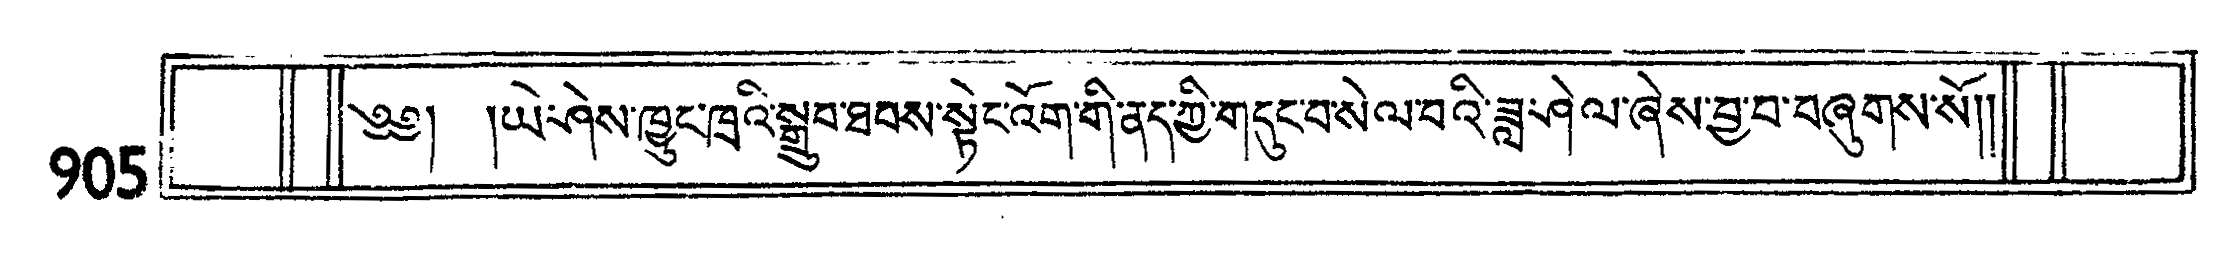༄༅། །ཡེ་ཤེས་ཁྱུང་ཁྲའི་སྒྲུབ་ཐབས་སྟེང་འོག་གི་ནད་ཀྱི་གདུང་བ་སེལ་བའི་ཟླ་ཤེལ་ཞེས་བྱ་བ་བཞུགས་སོ།།